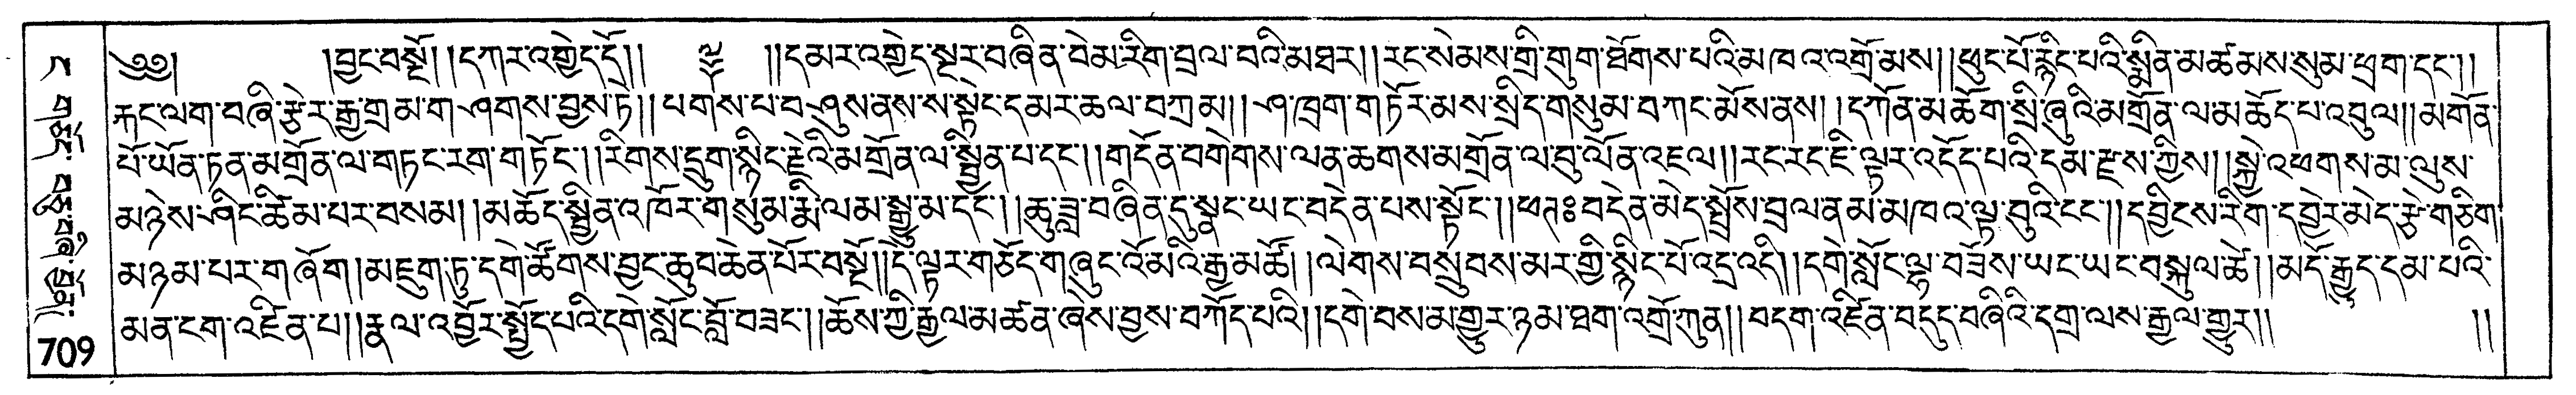༄༅། །བྱང་བསྔོ། །དཀར་འགྱེད་དོ།། ༈ །།དམར་འགྱེད་སྔར་བཞིན་བེམ་རིག་བྲལ་བའི་མཐར། །རང་སེམས་གྲི་གུག་ཐོགས་པའི་མཁའ་འགྲོ་མས། །ཕུང་པོ་རྙིང་པའི་སྨིན་མཚམས་སུམ་ཕྲག་དང་། །
རྐང་ལག་བཞི་རྩེར་རྒྱ་གྲམ་གཤགས་བྱས་ཏེ། །པགས་པ་བཤུས་ནས་ས་སྟེང་དམར་ཆལ་བཀྲམ། །ཤ་ཁྲག་གཏོར་མས་སྲིད་གསུམ་བཀང་མོས་ནས། །དཀོན་མཆོག་སྲི་ཞུའི་མགྲོན་ལ་མཆོད་པ་འབུལ། །མགོན་
པོ་ཡོན་ཏན་མགྲོན་ལ་གཏང་རག་གཏོང་། །རིགས་དྲུག་སྙིང་རྗེའི་མགྲོན་ལ་སྦྱིན་པ་དང་། །གདོན་བགེགས་ལན་ཆགས་མགྲོན་ལ་བུ་ལོན་འཇལ། །རང་རང་ཇི་ལྟར་འདོད་པའི་དམ་རྫས་ཀྱིས། །སྐྱེ་འཕགས་མ་ལུས་
མཉེས་ཤིང་ཚིམ་པར་བསམ། །མཆོད་སྦྱིན་འཁོར་གསུམ་རྨི་ལམ་སྒྱུ་མ་དང་། །ཆུ་ཟླ་བཞིན་དུ་སྣང་ཡང་བདེན་པས་སྟོང་། །ཕཊཿ བདེན་མེད་སྤྲོས་བྲལ་ནམ་མཁའ་ལྟ་བུའི་ངང་། །དབྱིངས་རིག་དབྱེར་མེད་རྩེ་གཅིག་
མཉམ་པར་གཞོག །མཇུག་ཏུ་དགེ་ཚོགས་བྱང་ཆུབ་ཆེན་པོར་བསྔོ། །དེ་ལྟར་གཅོད་གཞུང་འོ་མའི་རྒྱ་མཚོ། །ལེགས་བསྲུབས་མར་གྱི་སྙིང་པོ་འདྲ་འདི། །དགེ་སློང་ལྷ་བཟོས་ཡང་ཡང་བསྐུལ་ཚེ། །མདོ་རྒྱུད་དམ་པའི་
མན་ངག་འཛིན་པ། །རྣལ་འབྱོར་སྤྱོད་པའི་དགེ་སློང་བློ་བཟང་། །ཆོས་ཀྱི་རྒྱལ་མཚན་ཞེས་བྱས་བཀོད་པའི། །དགེ་བས་མ་གྱུར་ཉམ་ཐག་འགྲོ་ཀུན། །བདག་འཛིན་བདུད་བཞིའི་དགྲ་ལས་རྒྱལ་གྱུར།། །།